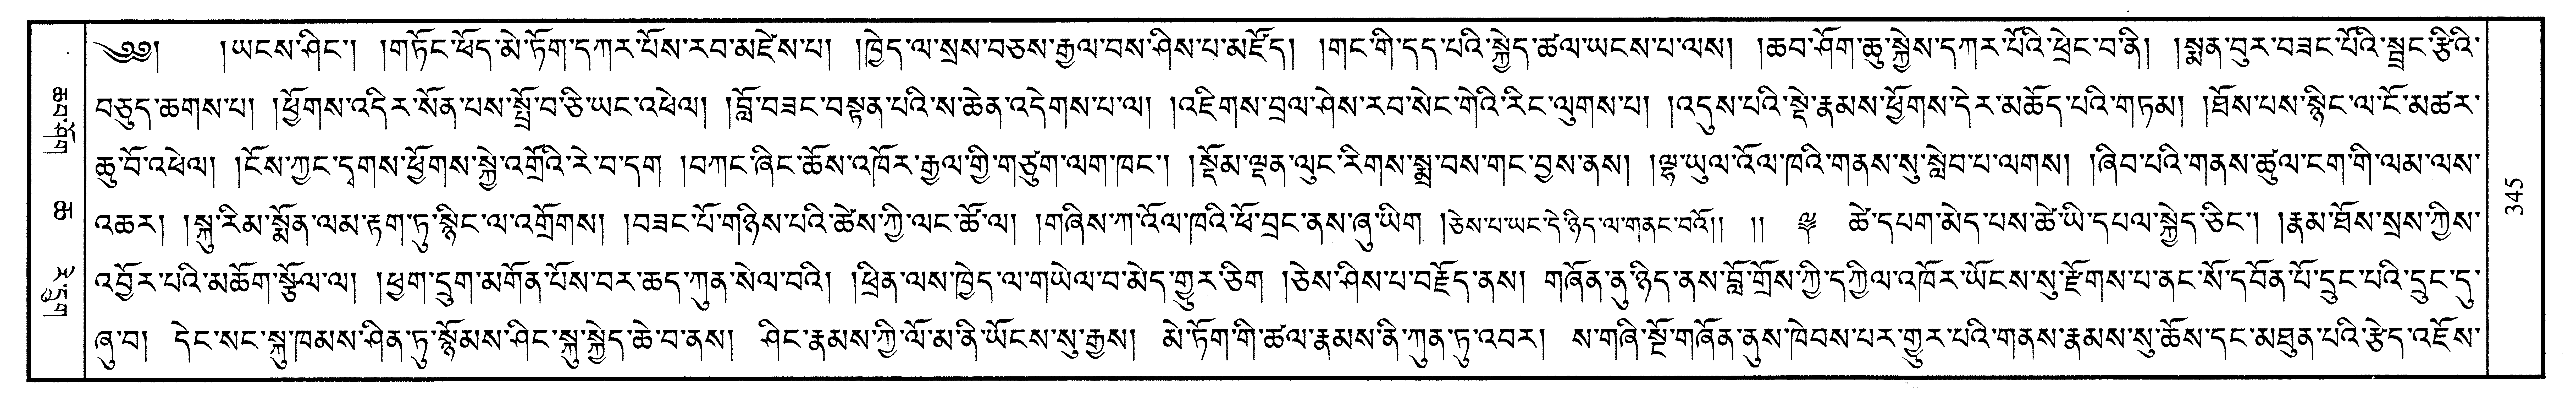༄༅། །ཡངས་ཤིང་། །གཏོང་ཕོད་མེ་ཏོག་དཀར་པོས་རབ་མཛེས་པ། །ཁྱེད་ལ་སྲས་བཅས་རྒྱལ་བས་ཤིས་པ་མཛོད། །གང་གི་དད་པའི་སྐྱེད་ཚལ་ཡངས་པ་ལས། །ཆབ་ཤོག་ཆུ་སྐྱེས་དཀར་པོའི་ཕྲེང་བ་ནི། །སྨན་བུར་བཟང་པོའི་སྦྲང་རྩིའི་
བཅུད་ཆགས་པ། །ཕྱོགས་འདིར་སོན་པས་སྤྲོ་བ་ཅི་ཡང་འཕེལ། །བློ་བཟང་བསྟན་པའི་ས་ཆེན་འདེགས་པ་ལ། །འཇིགས་བྲལ་ཤེས་རབ་སེང་གེའི་རིང་ལུགས་པ། །འདུས་པའི་སྡེ་རྣམས་ཕྱོགས་དེར་མཆོད་པའི་གཏམ། །ཐོས་པས་སྙིང་ལ་ངོ་མཚར་
ཆུ་བོ་འཕེལ། །ངོས་ཀྱང་དྭགས་ཕྱོགས་སྐྱེ་འགྲོའི་རེ་བ་དག །བཀང་ཞིང་ཆོས་འཁོར་རྒྱལ་གྱི་གཙུག་ལག་ཁང་། །སྡོམ་ལྡན་ལུང་རིགས་སྨྲ་བས་གང་བྱས་ནས། །ལྷ་ཡུལ་འོལ་ཁའི་གནས་སུ་སླེབ་པ་ལགས། །ཞིབ་པའི་གནས་ཚུལ་ངག་གི་ལམ་ལས་
འཆར། །སྐུ་རིམ་སྨོན་ལམ་རྟག་ཏུ་སྙིང་ལ་འགྲོགས། །བཟང་པོ་གཉིས་པའི་ཚེས་ཀྱི་ལང་ཚོ་ལ། །གཞིས་ཀ་འོལ་ཁའི་ཕོ་བྲང་ནས་ཞུ་ཡིག །ཅེས་པ་ཡང་དེ་ཉིད་ལ་གནང་བའོ།། །། ༈ ཚེ་དཔག་མེད་པས་ཚེ་ཡི་དཔལ་སྐྱེད་ཅིང་། །རྣམ་ཐོས་སྲས་ཀྱིས་
འབྱོར་པའི་མཆོག་སྩོལ་ལ། །ཕྱག་དྲུག་མགོན་པོས་བར་ཆད་ཀུན་སེལ་བའི། །ཕྲིན་ལས་ཁྱེད་ལ་གཡེལ་བ་མེད་གྱུར་ཅིག །ཅེས་ཤིས་པ་བརྗོད་ནས། །གཞོན་ནུ་ཉིད་ནས་བློ་གྲོས་ཀྱི་དཀྱིལ་འཁོར་ཡོངས་སུ་རྫོགས་པ་ནང་སོ་དབོན་པོ་དྲུང་པའི་དྲུང་དུ་
ཞུ་བ། དེང་སང་སྐུ་ཁམས་ཤིན་ཏུ་སྙོམས་ཤིང་སྐུ་སྐྱེད་ཆེ་བ་ནས། ཤིང་རྣམས་ཀྱི་ལོ་མ་ནི་ཡོངས་སུ་རྒྱས། །མེ་ཏོག་གི་ཚལ་རྣམས་ནི་ཀུན་ཏུ་འབར། ས་གཞི་སྔོ་གཞོན་ནུས་ཁེབས་པར་གྱུར་པའི་གནས་རྣམས་སུ་ཆོས་དང་མཐུན་པའི་རྩེད་འཇོས་